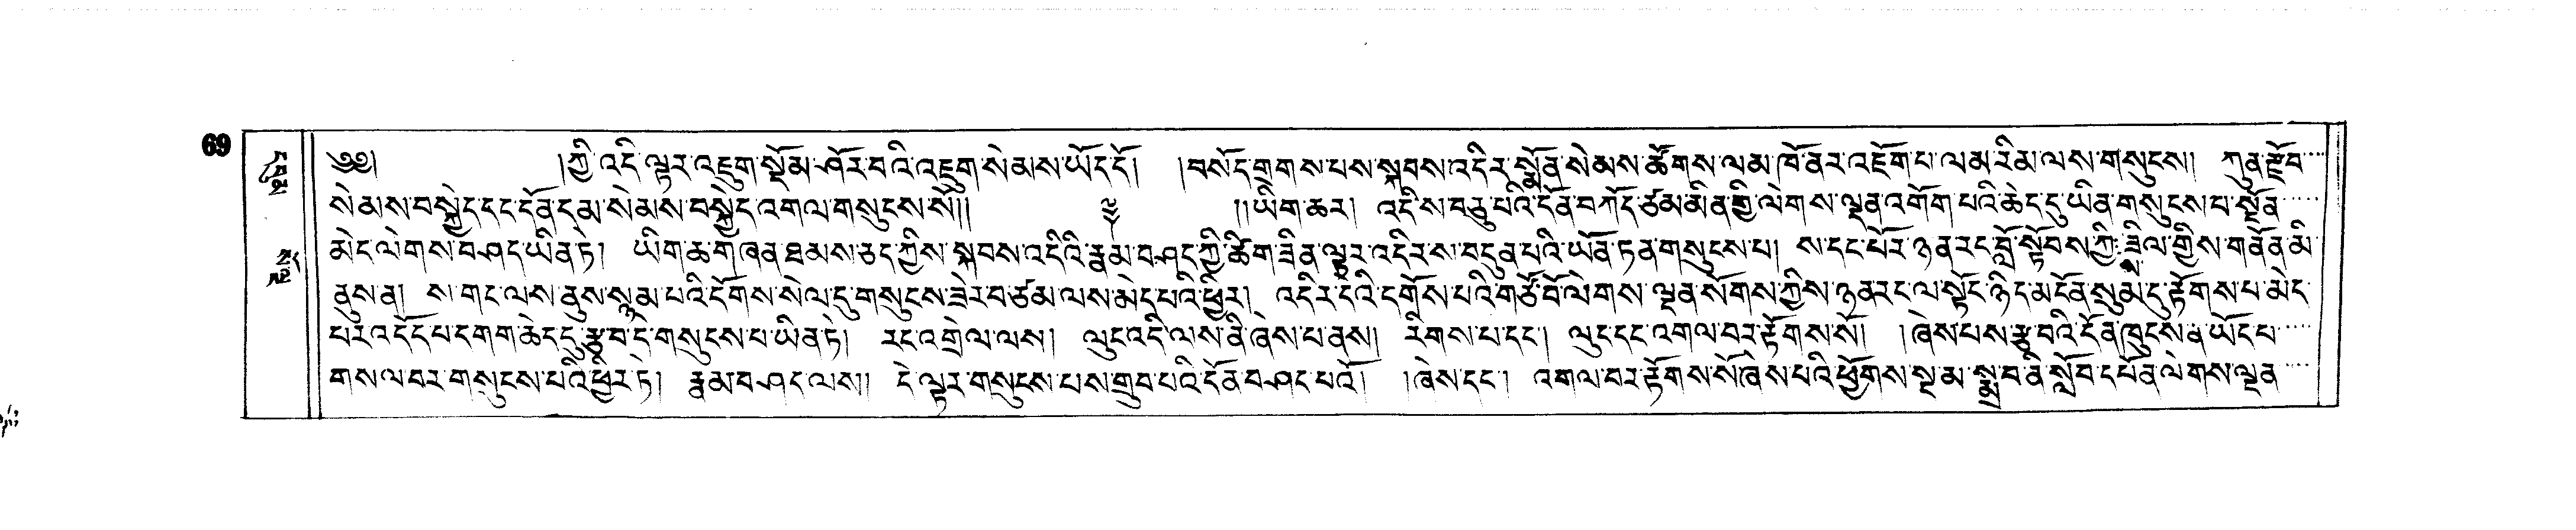༄༅། །ཀྱི་འདི་ལྟར་འཇུག་སྡོམ་ཤོར་བའི་འཇུག་སེམས་ཡོད་དོ། །བསོད་གྲགས་པས་སྐབས་འདིར་སྨོན་སེམས་ཚོགས་ལམ་ཁོ་ནར་འཇོག་པ་ལམ་རིམ་ལས་གསུངས། ཀུན་རྫོབ་
སེམས་བསྐྱེད་དང་དོན་དམ་སེམས་བསྐྱེད་འགལ་གསུངས་སོ།། ༈ །།ཡིག་ཆར། འདི་ས་བཅུ་པའི་དོན་བཀོད་ཙམ་མིན་གྱི་ལེགས་ལྡན་འགོག་པའི་ཆེད་དུ་ཡིན་གསུངས་པ་སྔོན་
མེད་ལེགས་བཤད་ཡིན་ཏེ། ཡིག་ཆ་གཞན་ཐམས་ཅད་ཀྱིས་སྐབས་འདིའི་རྣམ་བཤད་ཀྱི་ཚིག་ཟིན་ལྟར་འདིར་ས་བདུན་པའི་ཡོན་ཏན་གསུངས་པ། ས་དང་པོར་ཉན་རང་བློ་སྟོབས་ཀྱིས་ཟིལ་གྱིས་གནོན་མི་
ནུས་ན། ས་གང་ལས་ནུས་སྙམ་པའི་དོགས་སེལ་དུ་གསུངས་ཟེར་བ་ཙམ་ལས་མེད་པའི་ཕྱིར། འདིར་དེའི་དགོས་པའི་གཙོ་བོ་ལེགས་ལྡན་སོགས་ཀྱིས་ཉན་རང་ལ་སྟོང་ཉིད་མངོན་སུམ་དུ་རྟོགས་པ་མེད་
པར་འདོད་པ་དགག་ཆེད་དུ་རྩ་བ་དེ་གསུངས་པ་ཡིན་ཏེ། རང་འགྲེལ་ལས། ལུང་འདི་ལས་ནི་ཞེས་པ་ནས། རིགས་པ་དང་། ལུང་དང་འགལ་བར་རྟོགས་སོ། །ཞེས་པས་རྩ་བའི་དོན་ཁུངས་ན་ཡོད་པ་
གསལ་བར་གསུངས་པའི་ཕྱིར་ཏེ། རྣམ་བཤད་ལས། དེ་ལྟར་གསུངས་པས་གྲུབ་པའི་དོན་བཤད་པའོ། །ཞེས་དང་། འགལ་བར་རྟོགས་སོ་ཞེས་པའི་ཕྱོགས་སྔ་མ་སྨྲ་བ་ནི་སློབ་དཔོན་ལེགས་ལྡན་